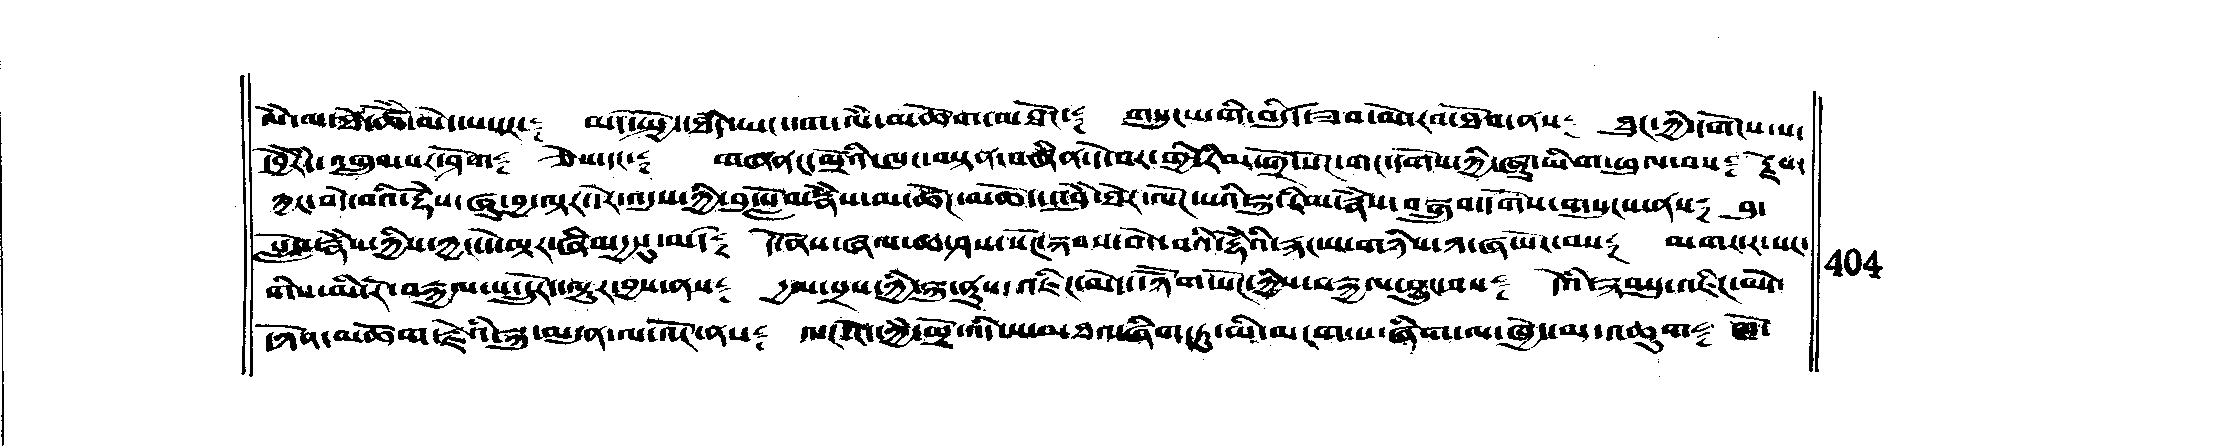ལམ་ལ་ཐེ་ཚོམ་མེད་པ་དང་། །མཛད་སྤྱོད་ཐམས་ཅད་ཡང་དག་ལམ་མཆོག་མཐོང་། །གསུང་གི་བདུད་རྩི་ཟབ་མོ་རབ་ཐོབ་ནས། །ཐུགས་ཀྱི་དགོངས་པ་
དབྱེར་མེད་འགྲུབ་པར་ཤོག །ཅེས་དང་། གཞན་ཡང་མཁའ་འགྲོའི་ལུང་བསྟན་བཞིན་དེ་བར་གྱི་རིམ་གྲོ་སོགས་གང་དགོས་ཀྱི་ཞུ་ཡིག་ཕུལ་བས། རྗེས་
ཀྱང་བདེ་བའི་རྡོ་རྗེས་ཞུ་བྱ་ལྟར་དེར་འདུས་ཀྱི་བུ་སློབ་རྣམས་ལ་ཚོགས་མཆོད་འབུམ་ཐེར་ལ་སོགས་པའི་སྐུ་རིམ་རྣམས་བསྒྲུབ་དགོས་གསུངས་ནས། བུ་
སློབ་རྣམས་ཀྱིས་ཀྱང་དེ་ལྟར་ཞིབ་རྒྱས་སུ་མཛད། དེ་ནས་ཞག་ཆ་ཤས་སོང་སྐབས་བདེ་བའི་རྡོ་རྗེའི་རྐང་པ་གཉིས་ཀ་ཞ་སོང་བས། མགར་ར་སང་
གིས་མི་རོ་བསྐྱལ་པ་དུར་ཁྲོད་ལྟ་བུར་བྱས་ནས། རྒྱལ་སྲས་ཀྱི་སྐུ་ནུས་འཇིགས་མེད་དཀོན་མཆོག་སོགས་ཀྱིས་བསྐྱལ་བྱུང་བས། དེའི་སྐབས་སུ་འཇིགས་མེད་
དཀོན་མཆོག་རྗེའི་སྐུ་མདུན་ལ་འོང་ནས། ལགས་ངེད་ཀྱི་མཁའ་འགྲོ་འདི་ས་མཐའ་ཞིག་ཏུ་མི་མངག་པ་ཞིག་ལ་ཁྱེད་མ་འཆུགཁོ་